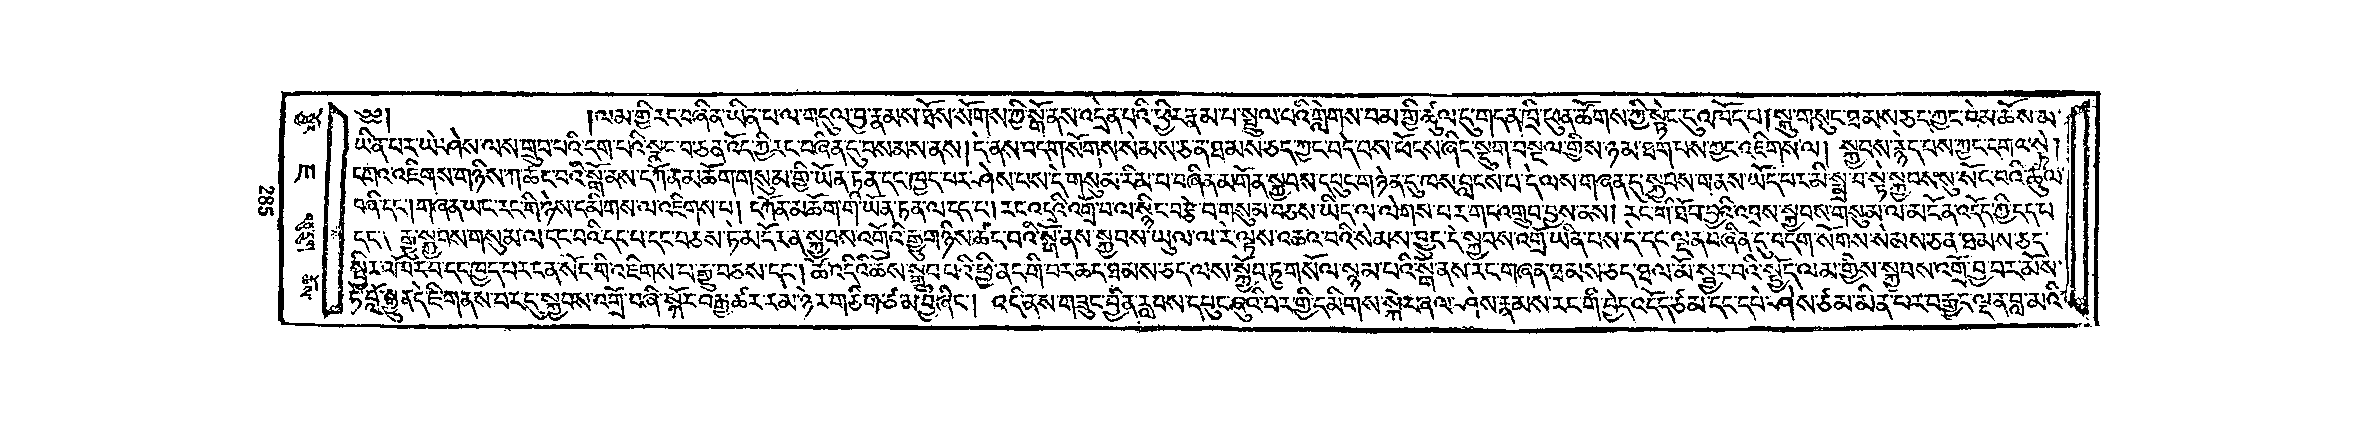༄༅། །ལམ་གྱི་རང་བཞིན་ཡིན་པ་ལ་གདུལ་བྱ་རྣམས་ཐོས་སོགས་ཀྱི་སྒོ་ནས་འདྲེན་པའི་ཕྱིར་རྣམ་པ་སྤྲུལ་པའི་གླེགས་བམ་གྱི་ཚུལ་དུ་གདན་ཁྲི་ཕུན་ཚོགས་ཀྱི་སྟེང་དུ་འཁོད་པ། སྐུ་གསུང་ཐམས་ཅད་ཀྱང་བེམ་ཆོས་མ་
ཡིན་པར་ཡེ་ཤེས་ལས་གྲུབ་པའི་དག་པའི་སྣང་བ་ཅན་འོད་ཀྱི་རང་བཞིན་དུ་བསམས་ནས། དེ་ནས་བདག་སོགས་སེམས་ཅན་ཐམས་ཅད་ཀྱང་བདེ་བས་ཕོངས་ཞིང་སྡུག་བསྔལ་གྱིས་ཉམ་ཐག་པས་ཀྱང་འཇིགས་ལ། སྐྱབས་རྙེད་པས་ཀྱང་དགའ་སྟེ།
དགའ་འཇིགས་གཉིས་ཀ་ཚང་བའི་སྒོ་ནས་དཀོན་མཆོག་གསུམ་གྱི་ཡོན་ཏན་དང་ཁྱད་པར་ཤེས་པས་དེ་གསུམ་རིམ་པ་བཞིན་མགོན་སྐྱབས་དཔུང་གཉེན་དུ་ཁས་བླངས་པ་དེ་ལས་གཞན་དུ་སྐྱབས་གནས་ཡོད་པར་མི་སྨྲ་བ་སྟེ་སྐྱབས་སུ་སོང་བའི་ཚུལ་
བཞི་དང་། གཞན་ཡང་རང་གི་ཉེས་དམིགས་ལ་འཇིགས་པ། དཀོན་མཆོག་གི་ཡོན་ཏན་ལ་དད་པ། རང་འདྲའི་འགྲོ་བ་ལ་སྙིང་བརྩེ་བ་གསུམ་བཅས་ཡིད་ལ་ལེགས་པར་གང་འགྲུབ་བྱས་ནས། རང་གི་ཐོབ་བྱའི་འབྲས་སྐྱབས་གསུམ་ལ་མངོན་འདོད་ཀྱི་དད་པ་
དང་། རྒྱུ་སྐྱབས་གསུམ་ལ་དང་བའི་དང་པ་དང་བཅས་ཏེ་མདོར་ན་སྐྱབས་འགྲོའི་རྒྱུ་གཉིས་ཚང་བའི་སྒོ་ནས་སྐྱབས་ཡུལ་ལ་རེ་ལྟས་འཆའ་བའི་སེམས་བྱུང་དེ་སྐྱབས་འགྲོ་ཡིན་པས་དེ་དང་ལྡན་བཞིན་དུ་བདག་སོགས་སེམས་ཅན་ཐམས་ཅད་
སྤྱིར་འཁོར་བ་དང་ཁྱད་པར་ངན་སོང་གི་འཇིགས་པ་རྒྱུ་བཅས་དང་། ཚེ་འདིའི་ཆོས་སྒྲུབ་པའི་ཕྱི་ནང་གི་བར་ཆད་ཐམས་ཅད་ལས་སྐྱོབ་ཏུ་གསོལ་སྙམ་པའི་སྒོ་ནས་རང་གཞན་ཐམས་ཅད་ཐལ་མོ་སྦྱར་བའི་སྤྱོད་ལམ་གྱིས་སྐྱབས་འགྲོ་བྱ་བར་མོས་
ཏེ་བློ་སྒྱུན་དེ་ཇི་གནས་བར་དུ་སྐྱབས་འགྲོ་བཞི་སྐོར་བརྒྱ་ཚར་རམ་ཉེར་གཅིག་ཙམ་བྱ་ཞིང་། འདི་ནས་གཟུང་བྱིན་རླབས་དཔུང་ཞུའི་བར་གྱི་དམིགས་སྐེར་ཞལ་ཤེས་རྣམས་རང་གི་བྱེད་འདོད་ཙམ་དང་དཔེ་ཤེས་ཙམ་མིན་པར་བརྒྱད་ལྡན་བླ་མའི་